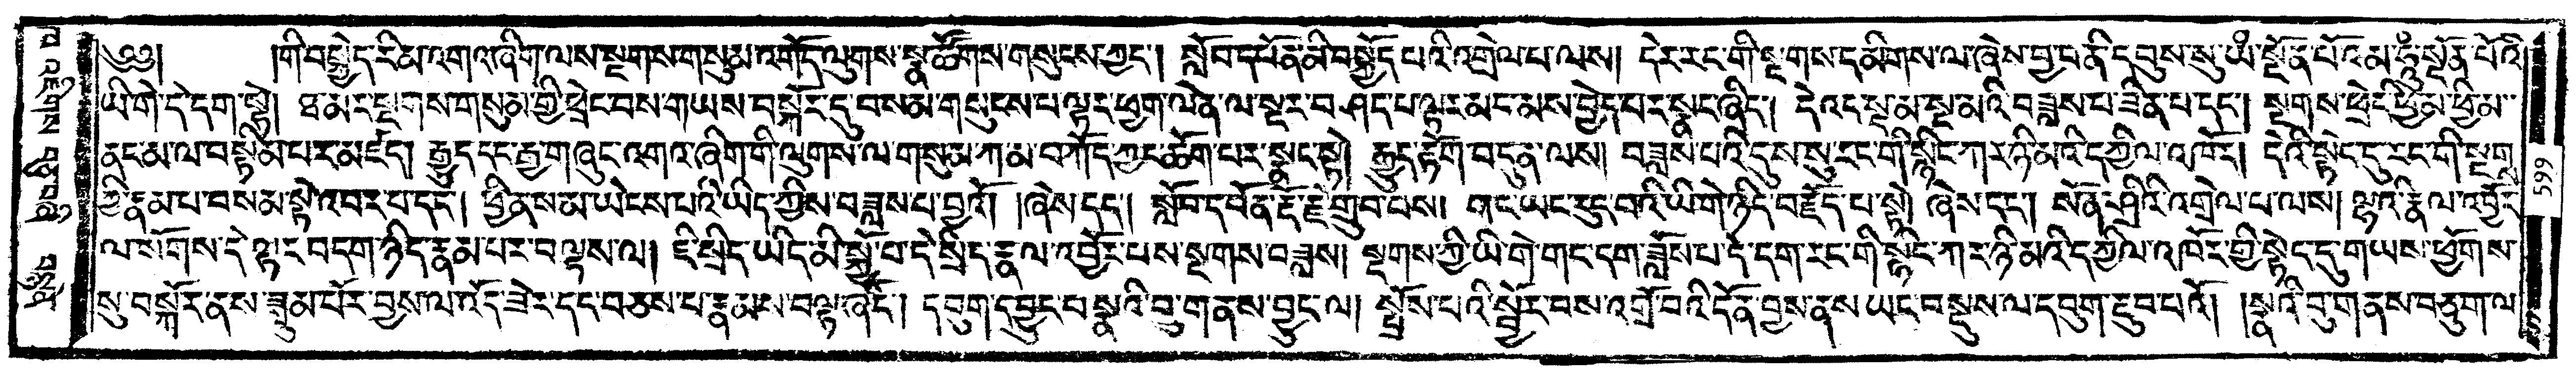༄༅། །གི་བསྐྱེད་རིམ་འགའ་ཞིག་ལས་སྔགས་གསུམ་འགོད་ལུགས་སྣ་ཚོགས་གསུངས་ཀྱང་། སློབ་དཔོན་མི་བསྐྱོད་པའི་འགྲེལ་པ་ལས། དེར་རང་གི་སྔགས་དམིགས་ལ་ཞེས་བྱ་བ་ནི་དབུས་སུ་ཡཾ་སྔོན་པོའམ་ཧཱུཾ་སྔོན་པོའི་
ཡི་གེ་དེ་དག་སྟེ། ཐ་མར་སྔགས་གསུམ་གྱི་ཕྲེང་བས་གཡས་བསྐོར་དུ་བསམ་གསུངས་པ་ལྟར་ཕྱག་ལེན་ལ་སྔར་བཤད་པ་ལྟར་མང་མས་བྱེད་པར་སྣང་ཞིང་། དེའང་སྔ་མ་སྔ་མའི་བཟླས་པ་ཟིན་པ་དང་། སྔགས་ཕྲེང་ཕྱི་མ་ཕྱི་མ་
ནང་མ་ལ་བསྟིམ་པར་མཛད། རྒྱུད་དང་རྒྱ་གཞུང་འགའ་ཞིག་གི་ལུགས་ལ་གསུམ་ཀ་མ་བཀོད་ཀྱང་ཆོག་པར་སྣང་སྟེ། རྒྱུད་རྟོག་བདུན་ལས། བཟླས་པའི་དུས་སུ་རང་གི་སྙིང་ཀར་ཉི་མའི་དཀྱིལ་འཁོར། དེའི་སྟེང་དུ་རང་གི་སྔགས་
ཀྱི་རྣམ་པ་བསམ་སྟེ་འབར་པ་དང་། ཕྱི་ནས་མ་ཡེངས་པའི་ཡིད་ཀྱིས་བཟླས་པ་བྱའོ། །ཞེས་དང་། སློབ་དཔོན་རྡོ་རྗེ་གྲུབ་བས། གང་ཡང་རུང་བའི་ཡི་གེ་ཉིད་བརྗོད་པ་སྟེ། ཞེས་དང་། སོན་ཤྲིའི་འགྲེལ་པ་ལས། ལྷའི་རྣལ་འབྱོར་
ལ་སོགས་དེ་ལྟར་བདག་ཉིད་རྣམ་པར་བལྟས་ལ། ཇི་སྲིད་ཡིད་མི་སྐྱོ་བ་དེ་སྲིད་རྣལ་འབྱོར་པས་སྔགས་བཟླས། སྔགས་ཀྱི་ཡི་གེ་གང་དག་ཟློས་པ་དེ་དག་རང་གི་སྙིང་ཀར་ཉི་མའི་དཀྱིལ་འཁོར་གྱི་སྟེང་དུ་གཡས་ཕྱོགས་
སུ་བསྐོར་ནས་ཟླུམ་པོར་བྱས་ལ་འོད་ཟེར་དང་བཅས་པ་རྣམས་བལྟ་ཞིང་། དབུག་དབྱུང་བ་སྣའི་བུ་གནས་བྱུང་ལ། སྤྲོས་པའི་སྦྱོར་བས་འགྲོ་བའི་དོན་བྱས་ནས་ཡང་བསྡུས་ལ་དབུག་རྡུབ་པའོ། །སྣའི་བུ་གནས་བཅུག་ལ་